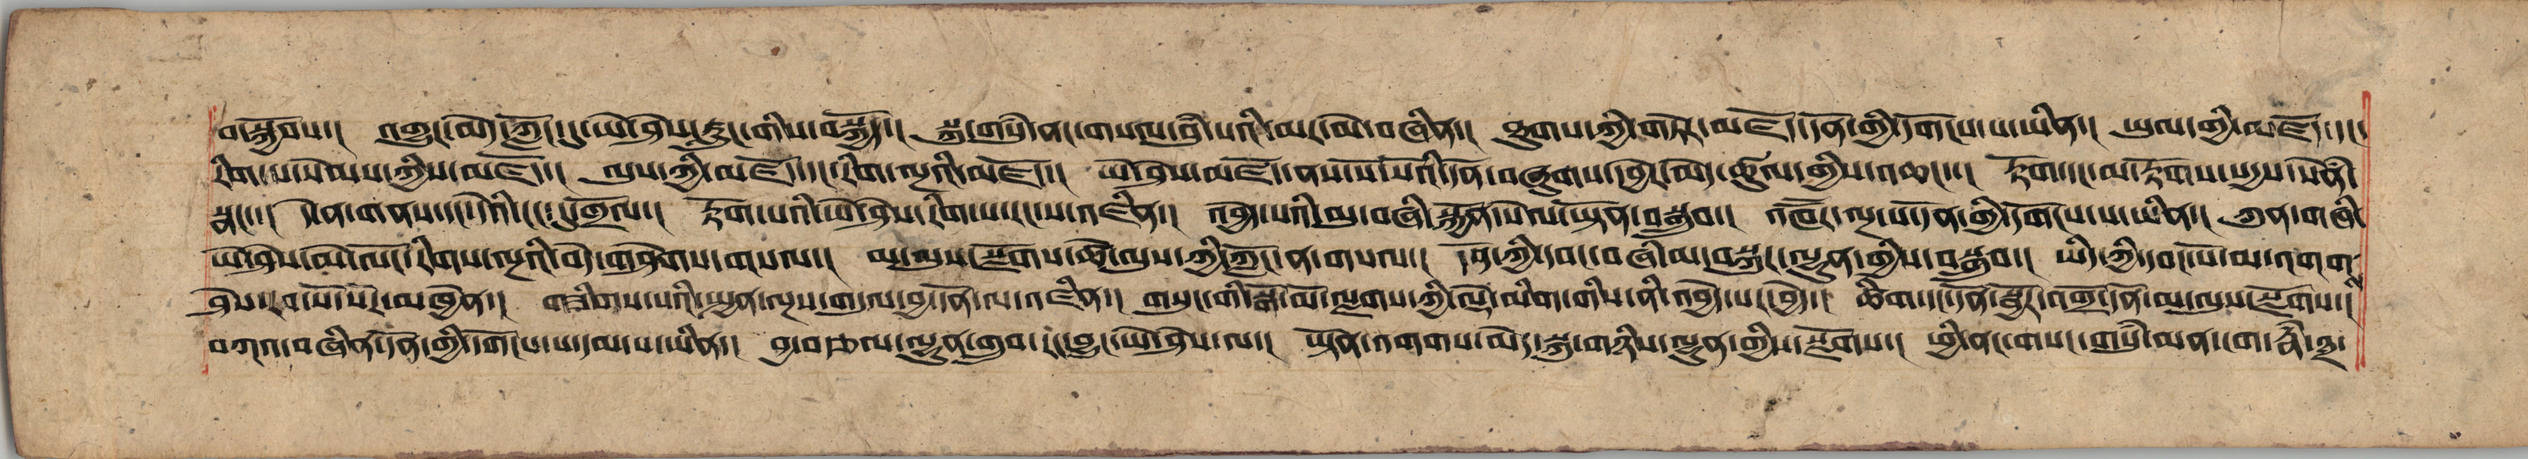བ་སྐྱོབས་། འགྱུར་མེད་ཀློང་དུ་ཡེ་ཤེས་རླུང་གིས་བསྐྱོད་། སྐུ་གསུཾ་ནང་གསལ་བུཾ་པའི་མར་མེ་བཞིན་། ཐུགས་ཀྱི་གཏེར་མཛོད་དོན་གྱི་དགོངས་པ་ཡིན་། ཡུལ་གྱི་མཛོད་དང་
རིག་པ་སེམས་ཀྱིས་མཛོད་། ལུས་ཀྱི་མཛོད་དང་རིག་ལྔའི་མཛོད་། ཡེ་ཤེས་མཛོད་ནས་སོ་སོའི་དོན་བཞུགས་དབྱེར་མེད་ཚུལ་གྱིས་འཆང་་། རྟོག་དང་མ་རྟོགས་སདྱས་སེཾན་
སྣང་་། དེ་ན་གནས་དང་དེའི་ངང་དུ་གྲོལ་། རྟོག་པའི་ཡེ་ཤེས་རིག་པ་རང་ས་འཛིན་། འབྱེད་པའི་མུ་བཞི་སྐྱོན་སེལ་ཡྟོན་བསྒྲུབ་། འཁཽར་ལྔ་པ་དོན་གྱི་དགོངས་པ་ཡིན་། ཀུན་གཞི་
ཡེ་ཤེས་མེ་ལོང་རིགས་ལྔའི་བདེ་གཤེགས་གསལ་། མ་ལུས་སྫོགས་ཚེ་ལུས་ཀྱི་ཀློང་ན་གསལ་། དོན་ཀྱི་དབང་བཞི་མ་བསྐུར་ལྷུན་གྱིས་བསྒྲུབ་། ཡིད་ཀྱི་དབང་པོ་མ་འགགས
ཤེས་རབ་སོ་སོར་མཁྱེན་། གཟིགས་པའི་སྤྱན་ལྔས་གདུལ་བྱ་དོན་ལ་འཛིན་། གསུང་གི་སྒོ་མོ་ལྗགས་ཀྱི་ལྡེ་མིག་གིས་ནི་འབྱེད་པར་བྱེད་། ཚིག་དང་དོན་སྦྱོར་འགྲོ་དོན་མ་ལུས་སྫོགས་།
བཀའ་བཞིན་དོན་གྱི་དགོངས་པ་དམ་པ་ཡིན་། བྱ་རྩལ་ལྷུན་གྲུབ་རང་བྱུང་ཡེ་ཤེས་ལ་། ཡྟོན་འགགས་མེད་སྐུ་གཉིས་ལྷུན་གྱིས་སྫོགས་། ཕྱི་ནང་གསང་གསུཾ་མན་ངག་རྣཾ་༣་